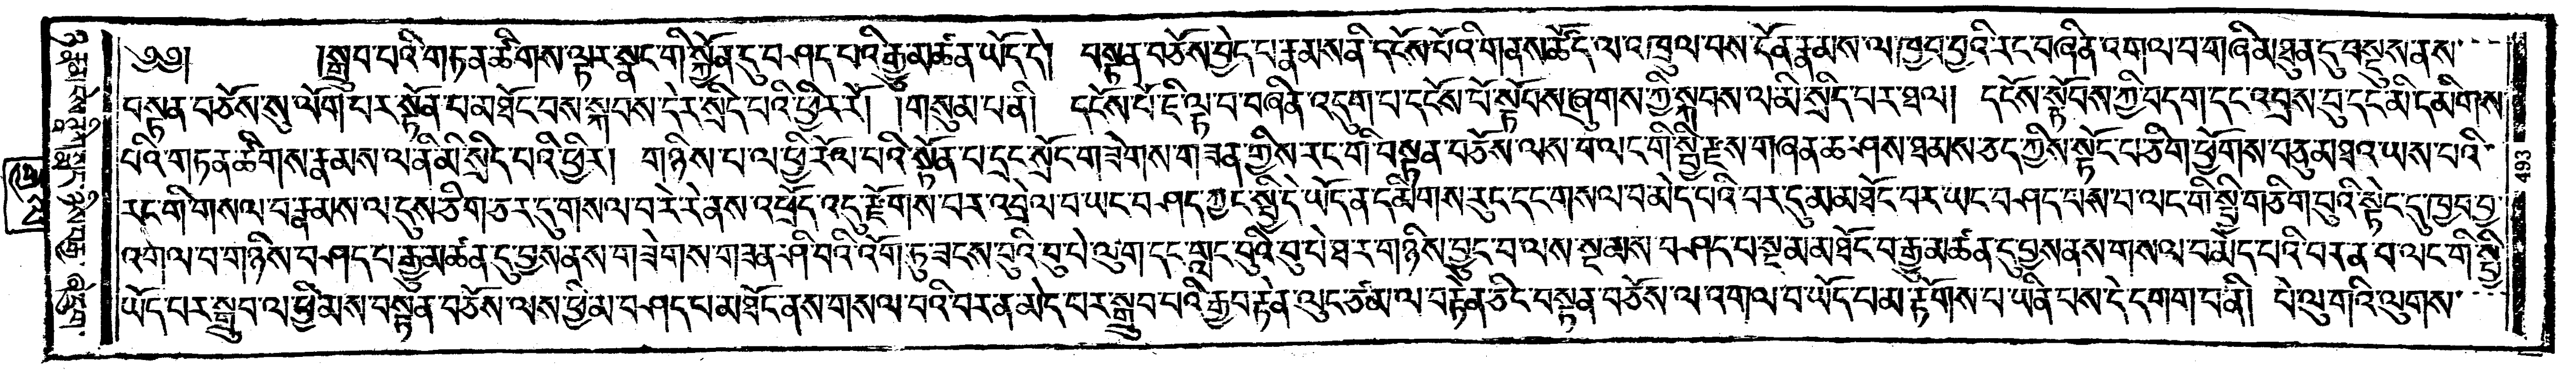༄༅། །སྒྲུབ་པའི་གཏན་ཚིགས་ལྟར་སྣང་གི་སྐྱོན་དུ་བཤད་པའི་རྒྱུ་མཚན་ཡོད་དེ། བསྟན་བཅོས་བྱེད་པ་རྣམས་ནི་དངོས་པོའི་གནས་ཚོད་ལ་འཁྲུལ་བས་དོན་རྣམས་ལ་ཁྱབ་བྱའི་རང་བཞིན་འགལ་བ་གཞི་མཐུན་དུ་བསྡུས་ནས་
བསྟན་བཅོས་སུ་ལོག་པར་སྟོན་པ་མཐོང་བས་སྐབས་དེར་སྲིད་པའི་ཕྱིར་རོ། །གསུམ་པ་ནི། དངོས་པོ་ཇི་ལྟ་བ་བཞིན་འདུག་པ་དངོས་པོ་སྟོབས་ཞུགས་ཀྱི་སྐབས་ལ་མི་སྲིད་པར་ཐལ། དངོས་སྟོབས་ཀྱི་བདག་དང་འབྲས་བུ་དང་མི་དམིགས་
པའི་གཏན་ཚིགས་རྣམས་ལ་ནི་མི་སྲིད་པའི་ཕྱིར། གཉིས་པ་ལ་ཕྱི་རོལ་པའི་སྟོན་པ་དྲང་སྲོང་གཟེགས་གཟན་གྱིས་རང་གི་བསྟན་བཅོས་ལས་བ་ལང་གི་སྤྱི་རྫས་གཞན་ཆ་ཤས་ཐམས་ཅད་ཀྱིས་སྟོང་པ་ཅིག་ཕྱོགས་བཅུ་མཐའ་ཡས་པའི་
རང་གི་གསལ་བ་རྣམས་ལ་དུས་ཅིག་ཅར་དུ་གསལ་བ་རེ་རེ་ནས་འཕྲོད་འདུ་རྫོགས་པར་འབྲེལ་བ་ཡང་བཤད་ཀྱང་སྤྱི་དེ་ཡོད་ན་དམིགས་རུང་དང་གསལ་བ་མེད་པའི་བར་དུ་མ་མཐོང་བར་ཡང་བཤད་པས་བ་ལང་གིས་བྱི་གཅིག་བུའི་སྟེང་དུ་ཁྱབ་བྱ་
འགལ་བ་གཉིས་བཤད་པ་རྒྱུ་མཚན་དུ་བྱས་ནས་གཟེགས་གཟན་ཤི་བའི་འོག་ཏུ་ཟངས་བུའི་བུ་པེ་ལུག་དང་གླང་བུའི་བུ་པེ་ཐ་ར་གཉིས་བྱུང་བ་ལས་སྔ་མས་བཤད་པ་སྔ་མ་མཐོང་བ་རྒྱུ་མཚན་དུ་བྱས་ནས་གསལ་བ་མེད་པའི་བར་ན་པ་ལང་གི་སྤྱི་
ཡོད་པར་སྒྲུབ་ལ་ཕྱི་མས་བསྟན་བཅོས་ལས་ཕྱི་མ་བཤད་པ་མཐོང་ནས་གསལ་བའི་བར་ན་མེད་པར་སྒྲུབ་པའི་རྒྱབ་རྟེན་ལུང་ཙམ་ལ་བརྟེན་ཅིང་བསྟན་བཅོས་ལ་འགལ་བ་ཡོད་པ་མ་རྟོགས་པ་ཡིན་པས་དེ་དགག་པ་ནི། པེ་ལུ་གའི་ལུགས་